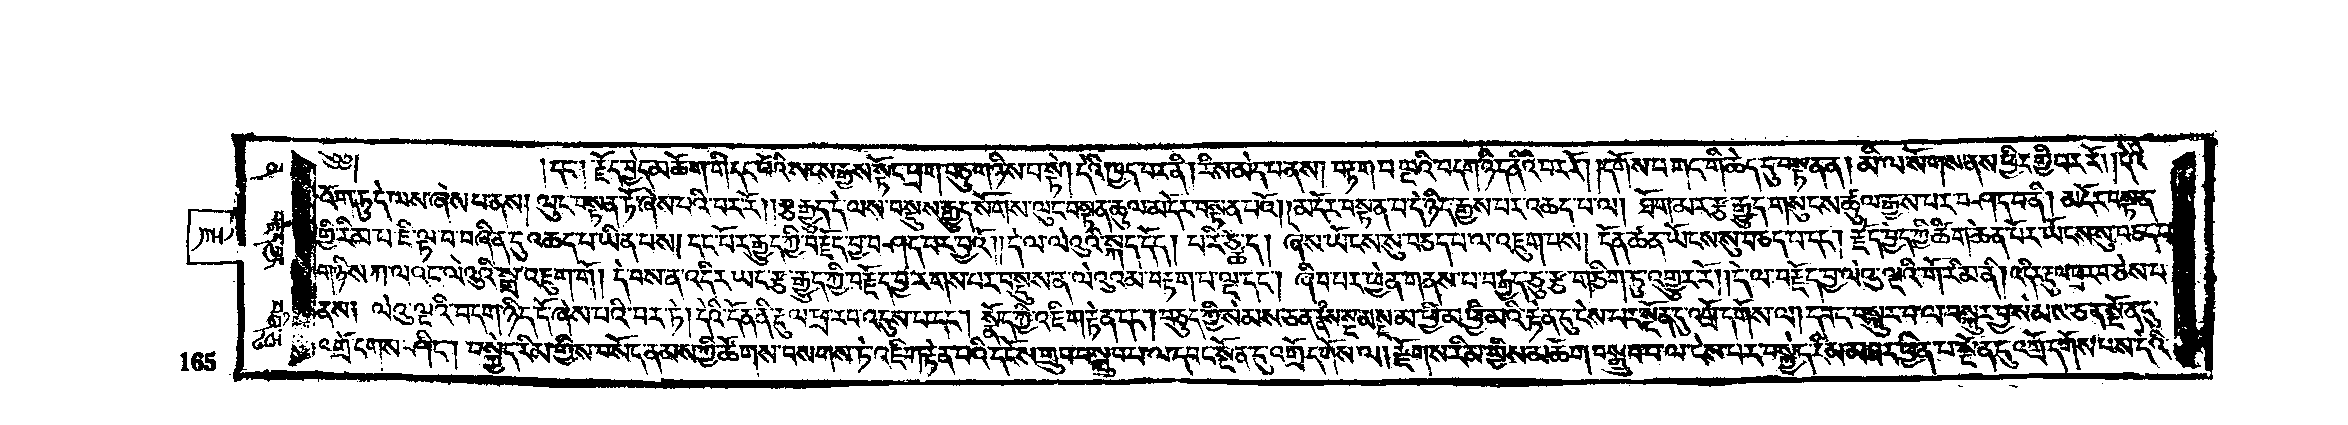༄༅། །དང་། རྗོད་བྱེད་མཆོག་གི་དང་པོའི་སངས་རྒྱས་སྟོང་ཕྲག་བཅུ་གཉིས་པ་སྟེ། དེའི་ཁྱད་པར་ནི། རིས་མེད་པ་ནས། བརྟག་པ་ལྔའི་བདག་ཉིད་ནིའི་བར་རོ། །དགོས་པ་གང་གི་ཆེད་དུ་བསྟན་ན། མི་ལ་སོགས་ནས་ཕྱིར་གྱི་པར་རོ། །དེའི་
འོག་ཏུ་དེ་ལས་ཞེས་པ་ནས། ལུང་བསྟན་ཏོ་ཞེས་པའི་བར་རོ། །རྩ་རྒྱུད་དེ་ལས་བསྡུས་རྒྱུད་སོགས་ལུང་བསྟན་ཚུལ་མདོར་བསྟན་པའོ། །མདོར་བསྟན་པ་དེ་ཉིད་རྒྱས་པར་འཆད་པ་ལ། ཐོག་མར་རྩ་རྒྱུད་གསུངས་ཚུལ་རྒྱས་པར་བཤད་པ་ནི། མདོར་བསྟན་
གྱི་རིམ་པ་ཇི་ལྟ་བ་བཞིན་དུ་འཆད་པ་ཡིན་པས། དང་པོར་རྒྱུད་ཀྱི་བརྗོད་བྱ་བཤད་པར་བྱའོ། །དེ་ལ་ལེའུའི་སྐད་དོད། པ་རི་ཙྪེ་ད། ཞེས་ཡོངས་སུ་བཅད་པ་ལ་འཇུག་པས། དོན་ཚན་ཡོངས་སུ་བཅད་པ་དང་། རྗོད་བྱེད་ཀྱི་ཚིག་ཆེན་པོར་ཡོངས་སུ་བཅད་པ་
གཉིས་ཀ་ལའང་ལེའུའི་སྒྲ་འཇུག་གོ །དེ་བས་ན་འདིར་ཡང་རྩ་རྒྱུད་ཀྱི་བརྗོད་བྱ་རིགས་པར་བསྡུས་ན་ལེའུའམ་བརྟག་པ་ལྔ་དང་། ཞིབ་པར་ཕྱེན་གནས་པ་བརྒྱད་ཅུ་རྩ་གཅིག་ཏུ་འགྱུར་རོ། །དེ་ལ་བརྗོད་བྱ་ལེའུ་ལྔའི་གོ་རིམ་ནི། འདིར་རྡུལ་ཕྲ་རབ་ཅེས་པ་
ནས། ལེའུ་ལྔའི་བདག་ཉིད་དོ་ཞེས་པའི་བར་ཏེ། དེའི་དོན་ནི་རྡུལ་ཕྲ་རབ་འདུས་པ་དང་། སྣོད་ཀྱི་འཇིག་རྟེན་དང་། བཅུད་ཀྱི་སེམས་ཅན་རྣམས་སྔ་མ་སྔ་མ་ཕྱི་མ་ཕྱི་མའི་རྟེན་དུ་ངེས་པར་སྔོན་དུ་འགྲོ་དགོས་ལ། དབང་བསྐུར་བ་ལ་བསྐུར་བྱ་སེམས་ཅན་སྔོན་དུ་
འགྲོ་དགོས་ཤིང་། བསྐྱེད་རིམ་གྱིས་བསོད་ནམས་ཀྱི་ཚོགས་བསགས་ཏེ་འཇིག་རྟེན་པའི་དངོས་གྲུབ་བསྒྲུབ་པ་ལ་དབང་སྔོན་དུ་འགྲོ་དགོས་ལ། རྫོགས་རིམ་གྱིས་མཆོག་བསྒྲུབ་པ་ལ་ངེས་པར་བསྐྱེད་རིམ་མཐར་ཕྱིན་པ་སྔོན་དུ་འགྲོ་དགོས་པས་དེའི་